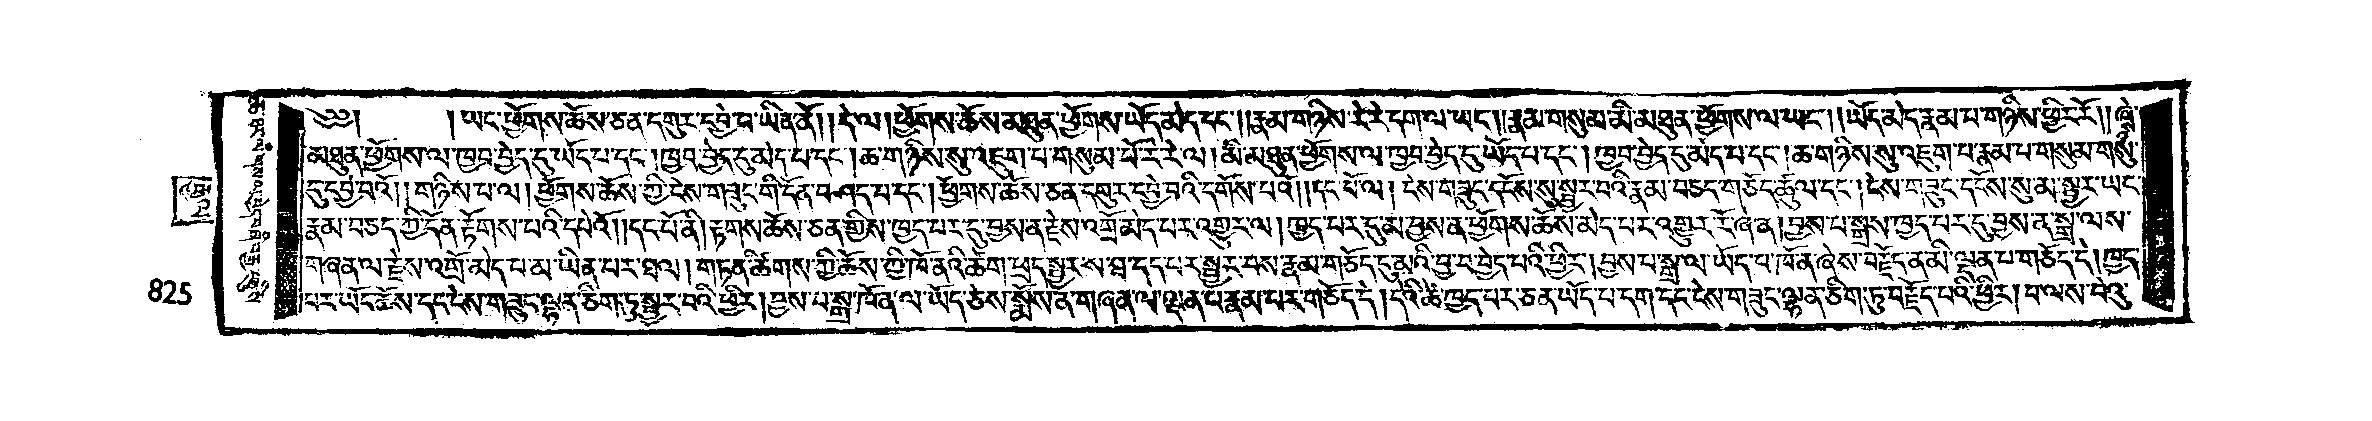༄༅། །ཡང་ཕྱོགས་ཆོས་ཅན་དགུར་དབྱེ་བ་ཡིན་ནོ། །དེ་ལ། ཕྱོགས་ཆོས་མཐུན་ཕྱོགས་ཡོད་མེད་དང་། །རྣམ་གཉིས་རེ་རེ་དག་ལ་ཡང་། །རྣམ་གསུམ་མི་མཐུན་ཕྱོགས་ལ་ཡང་། །ཡོད་མེད་རྣམ་པ་གཉིས་ཕྱིར་རོ། །ཞེས་
མཐུན་ཕྱོགས་ལ་ཁྱབ་བྱེད་དུ་ཡོད་པ་དང་། ཁྱབ་བྱེད་དུ་མེད་པ་དང་། ཆ་གཉིས་སུ་འཇུག་པ་གསུམ་པོ་རེ་རེ་ལ། མི་མཐུན་ཕྱོགས་ལ་ཁྱབ་བྱེད་དུ་ཡོད་པ་དང་། ཁྱབ་བྱེད་དུ་མེད་པ་དང་། ཆ་གཉིས་སུ་འཇུག་པ་རྣམ་པ་གསུམ་གསུཾ་
དུ་དབྱེ་བའོ། །གཉིས་པ་ལ། ཕྱོགས་ཆོས་ཀྱི་ངེས་གཟུང་གི་དོན་བཤད་པ་དང་། ཕྱོགས་ཆོས་ཅན་དགུར་དབྱེ་བའི་དགོས་པའོ། །དང་པོ་ལ། ངེས་གཟུང་དངོས་སུ་སྦྱར་བའི་རྣམ་བཅད་གཅོད་ཚུལ་དང་། ངེས་གཟུང་དངོས་སུ་མ་སྦྱར་ཡང་
རྣམ་བཅད་ཀྱི་དོན་རྟོགས་པའི་དཔེའོ། །དང་པོ་ནི། རྟགས་ཆོས་ཅན་གྱིས་ཁྱད་པར་དུ་བྱས་ན་རྗེས་འགྲོ་མེད་པར་འགྱུར་ལ། ཁྱད་པར་དུ་མ་བྱས་ན་ཕྱོགས་ཆོས་མེད་པར་འགྱུར་རོ་ཞེ་ན། བྱས་པ་སྒྲས་ཁྱད་པར་དུ་བྱས་ན་སྒྲ་ལས་
གཞན་ལ་རྗེས་འགྲོ་མེད་པ་མ་ཡིན་པར་ཐལ། གཏན་ཚིགས་ཀྱི་ཆོས་ཀྱི་ཁོ་ནའི་ཚིག་ཕྲད་སྦྱར་ས་ཐ་དད་པར་སྦྱར་བས་རྣམ་གཅོད་དུ་མའི་བྱ་བ་བྱེད་པའི་ཕྱིར། བྱས་པ་སྒྲ་ལ་ཡོད་པ་ཁོ་ན་ཞེས་བརྗོད་ན་མི་ལྡན་པ་གཅོད་དེ། ཁྱད་
པར་ཡོད་ཆོས་དང་ངེས་གཟུང་ལྷན་ཅིག་ཏུ་སྦྱར་བའི་ཕྱིར། བྱས་པ་སྒྲ་ཁོ་ན་ལ་ཡོད་ཅེས་སྨོས་ན་གཞན་ལ་ལྡན་པ་རྣམ་པར་གཅོད་དེ། དེའི་ཚེ་ཁྱད་པར་ཅན་ཡོད་པ་དག་དང་ངེས་གཟུང་ལྷན་ཅིག་ཏུ་བརྗོད་པའི་ཕྱིར། བ་ལས་བེའུ་